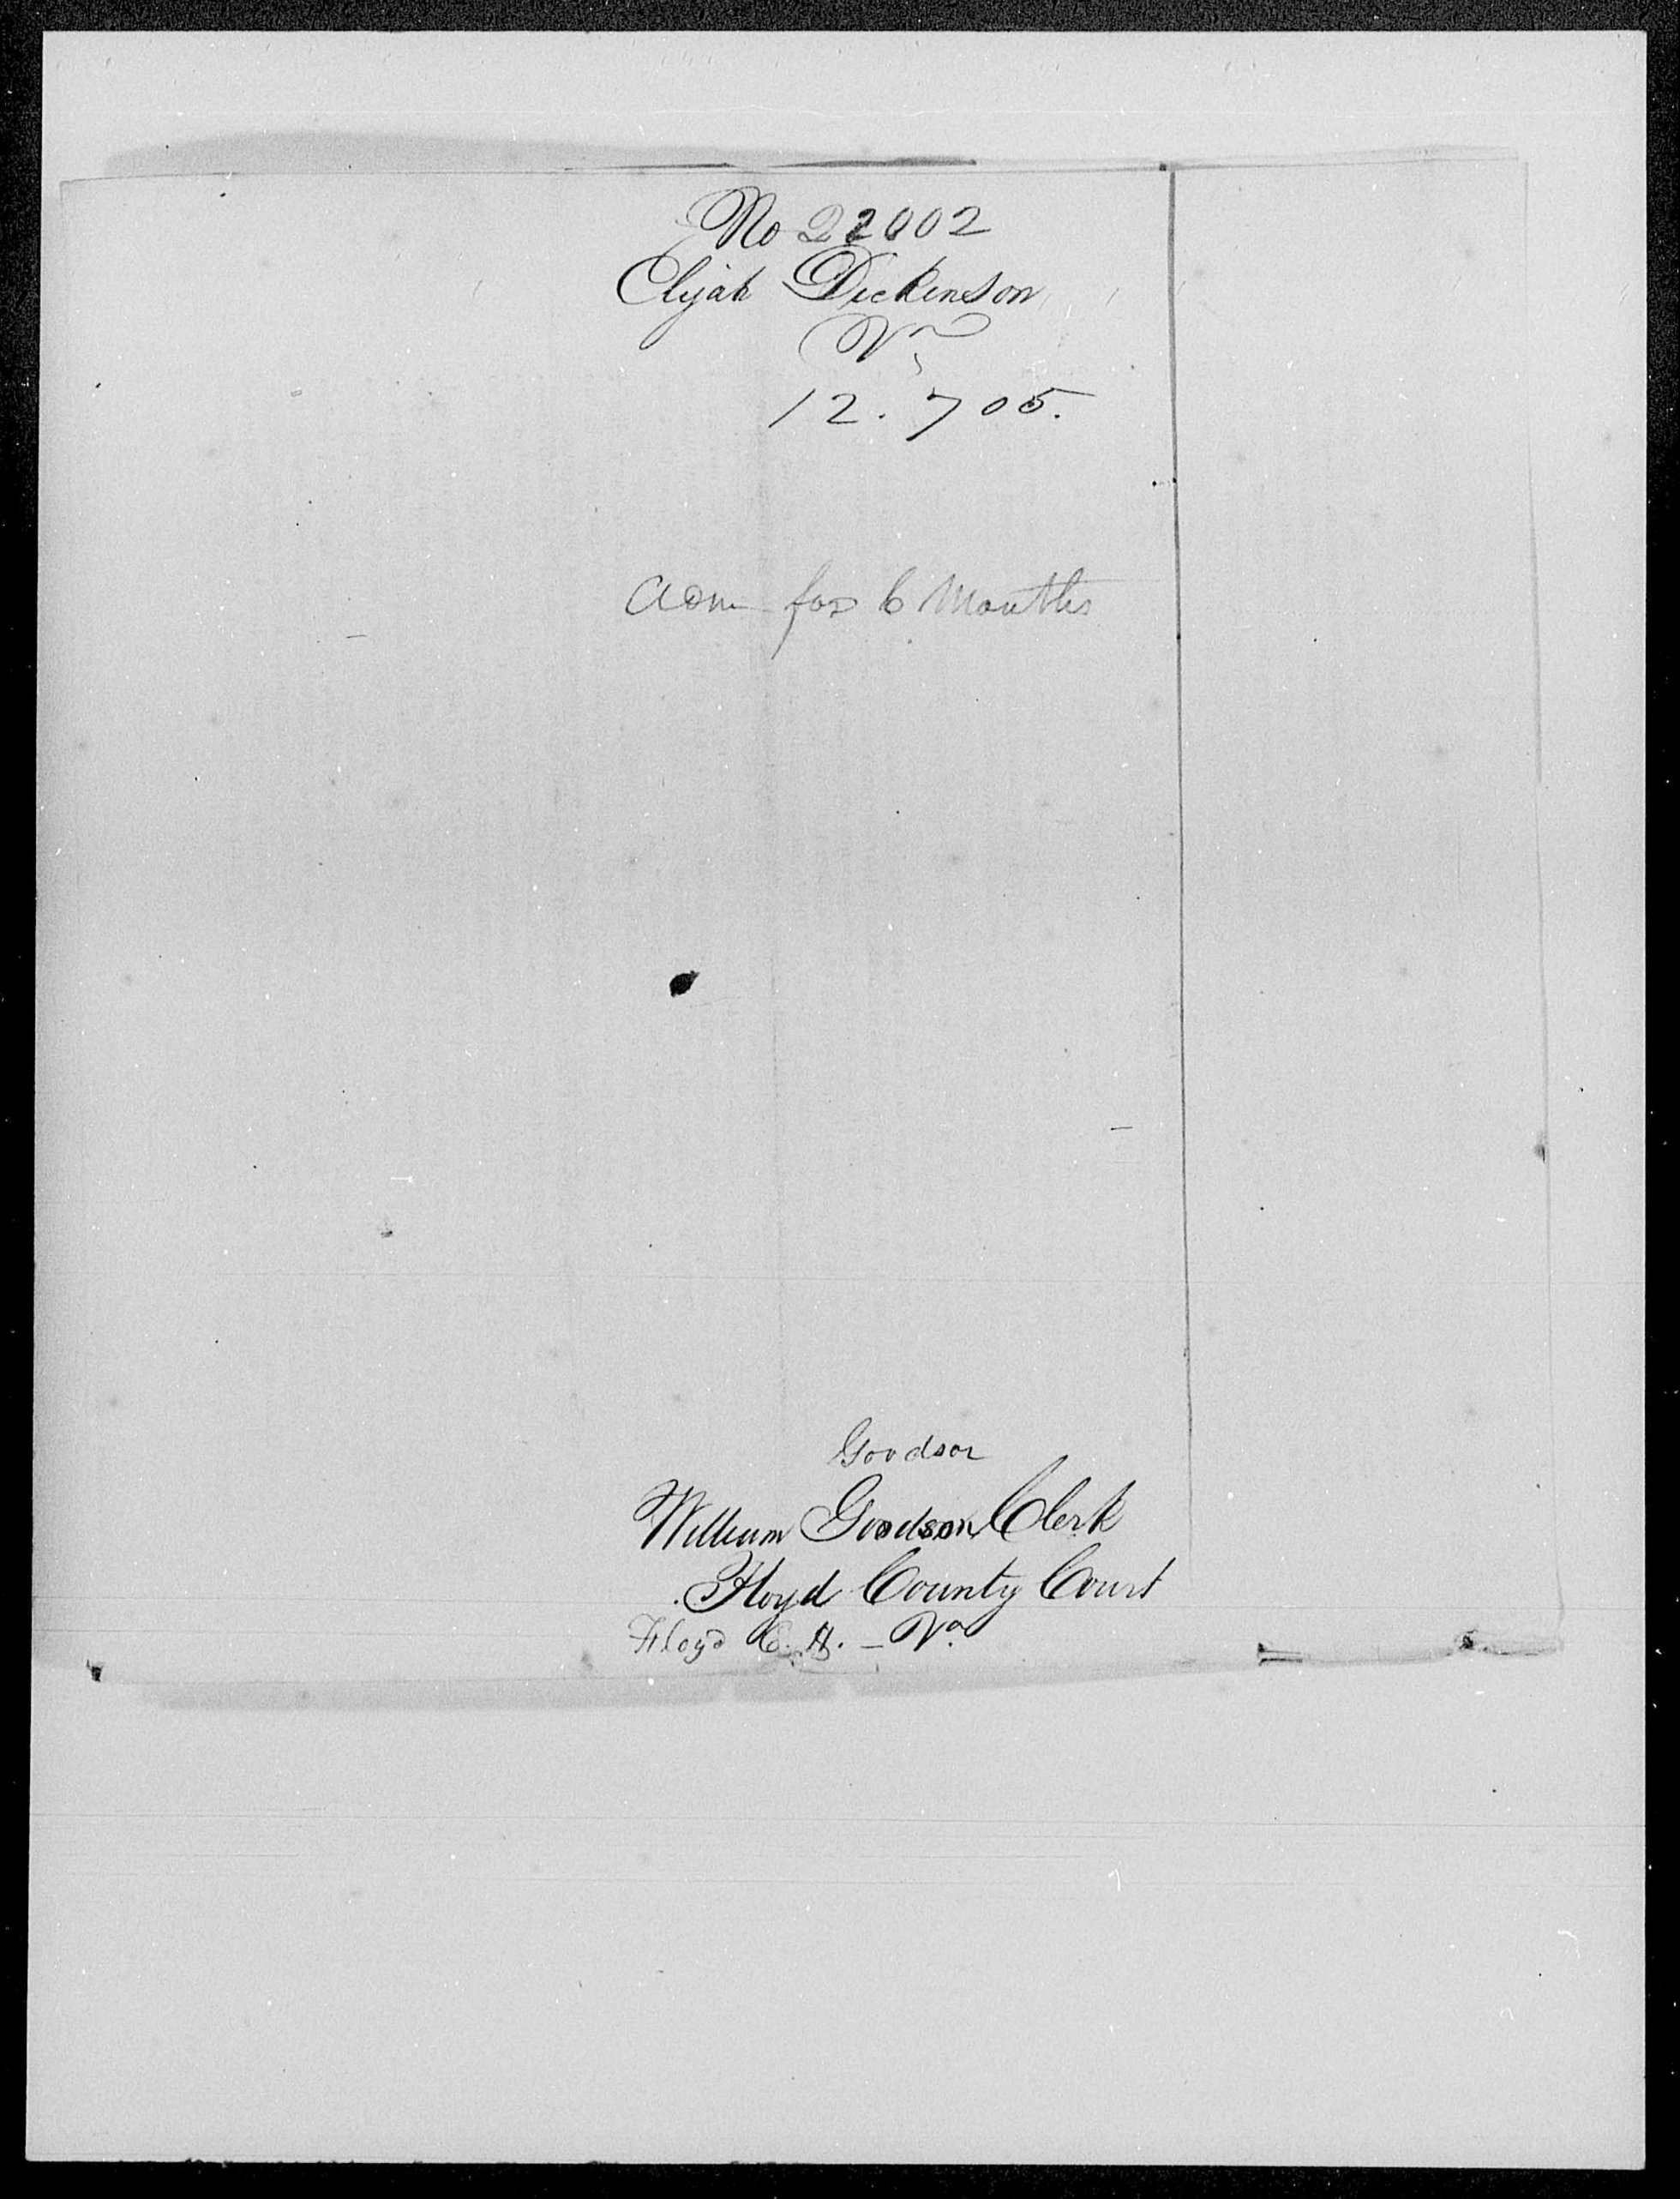No 22002
Elijah Dickenson
Va
12.705.
Adm for 6 Months

Goodson
William Goodson Clerk
Floyd County Court
Floyd C.H. - Va.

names: Elijah Dickenson, Goodson, William Goodson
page: 7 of 12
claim: survivor's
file: S. 6796, Elijah Dickenson, Va.